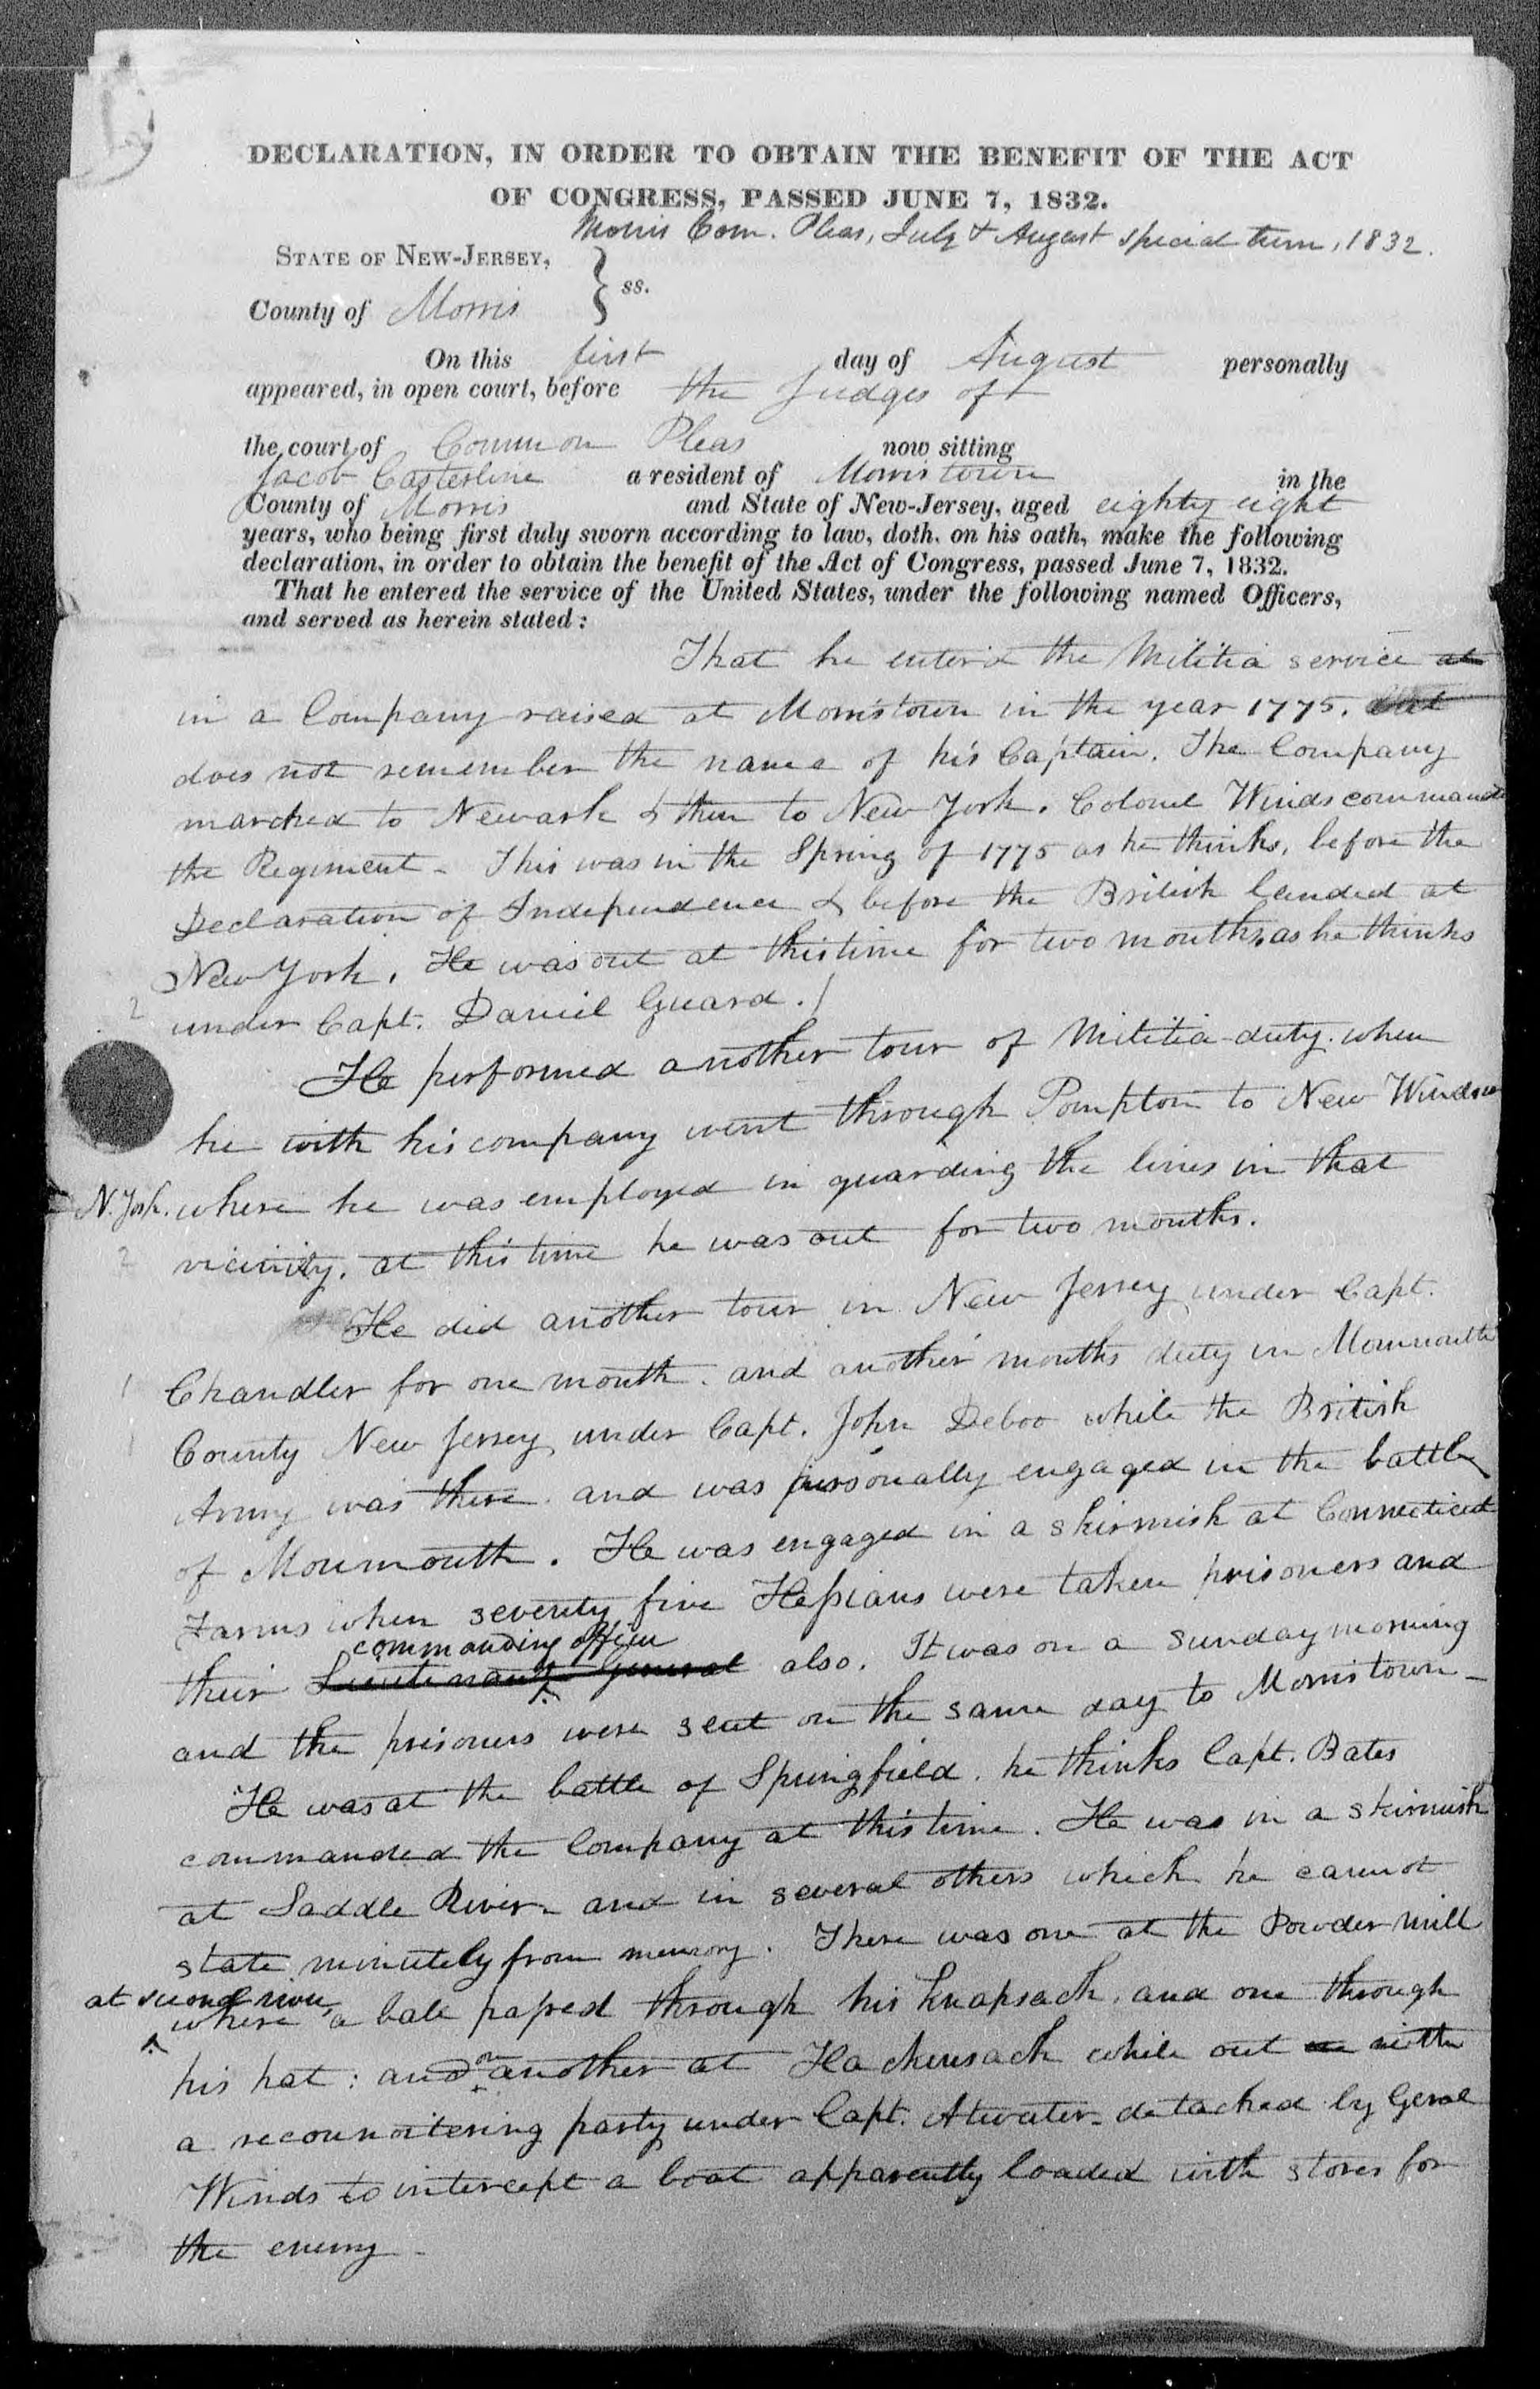Declaration, in order to obtain the benefit of the act of congress, passed June 7, 1832
Morris Com. Phar, July & August special term, 1832

State of New Jersey
County of Morris

On this first day of August personally appeared, in open court, before the judges of the court of Common Please now sitting Jacob Casterline a resident of Morristown in the County of Morris and state of New Jersey, aged eighty eight years, who being first duly sworn according to law, doth, on his oath, make the following declaration, in order to obtain the benefit of the Act of Congress, passed June 7, 1832.  
That he entered the service of the United States, under the following named Officers, and served as herein stated:

That he entered the militia service in a company raised at Morristown in the year 1775 and does not remember the names of his  captain.  The company marched to Newark and then to New York.  Colonel Winds commanded the Regiment.  This was in the Spring of 1775 as he thinks, before the Declaration of Independence and before the British landed at New York.  He was out at this time for two months, as he thinks under Capt. Daniel Guard.
 
He performed another tour of militia duty when he with his company went through Pompton to New Windsor New York where he was employed in guarding the lives in that vicinity, at this time he was out for two months. 

He did another tour in New Jersey under Capt. Chandler for one month and another months duty in Monmouth County New Jersey under Capt. John Deboo while the British Army was there and was personally engaged in the battle  of Monmouth.  He was engaged in a skirmish at Connecticut farms when seventy five Hessians were taken prisoners and their commanding officer also.  It was on a Sunday morning and the prisoners were sent on the same day to Morristown.

He was at the battle of Springfield, he thinks Capt. Bates commanded the company at this time.  He was in a skirmish at Saddle River and in several others which he cannot state minutely from memory.  There was one at the Powder Mill at P River where a bale passed through his knapsack and one through his hat and another at Hackensack while out with a reconnoitering party under Capt. Atwater detached by General Winds to intercept a boat apparently loaded with stones for the enemy.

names: Atwater, Winds, Winds, Bates, Daniel Guard, Chandler, John Deboo, Jacob Casterline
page: 4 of 38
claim: widow's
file: W. 6644, Jacob Casterline, New Jersey